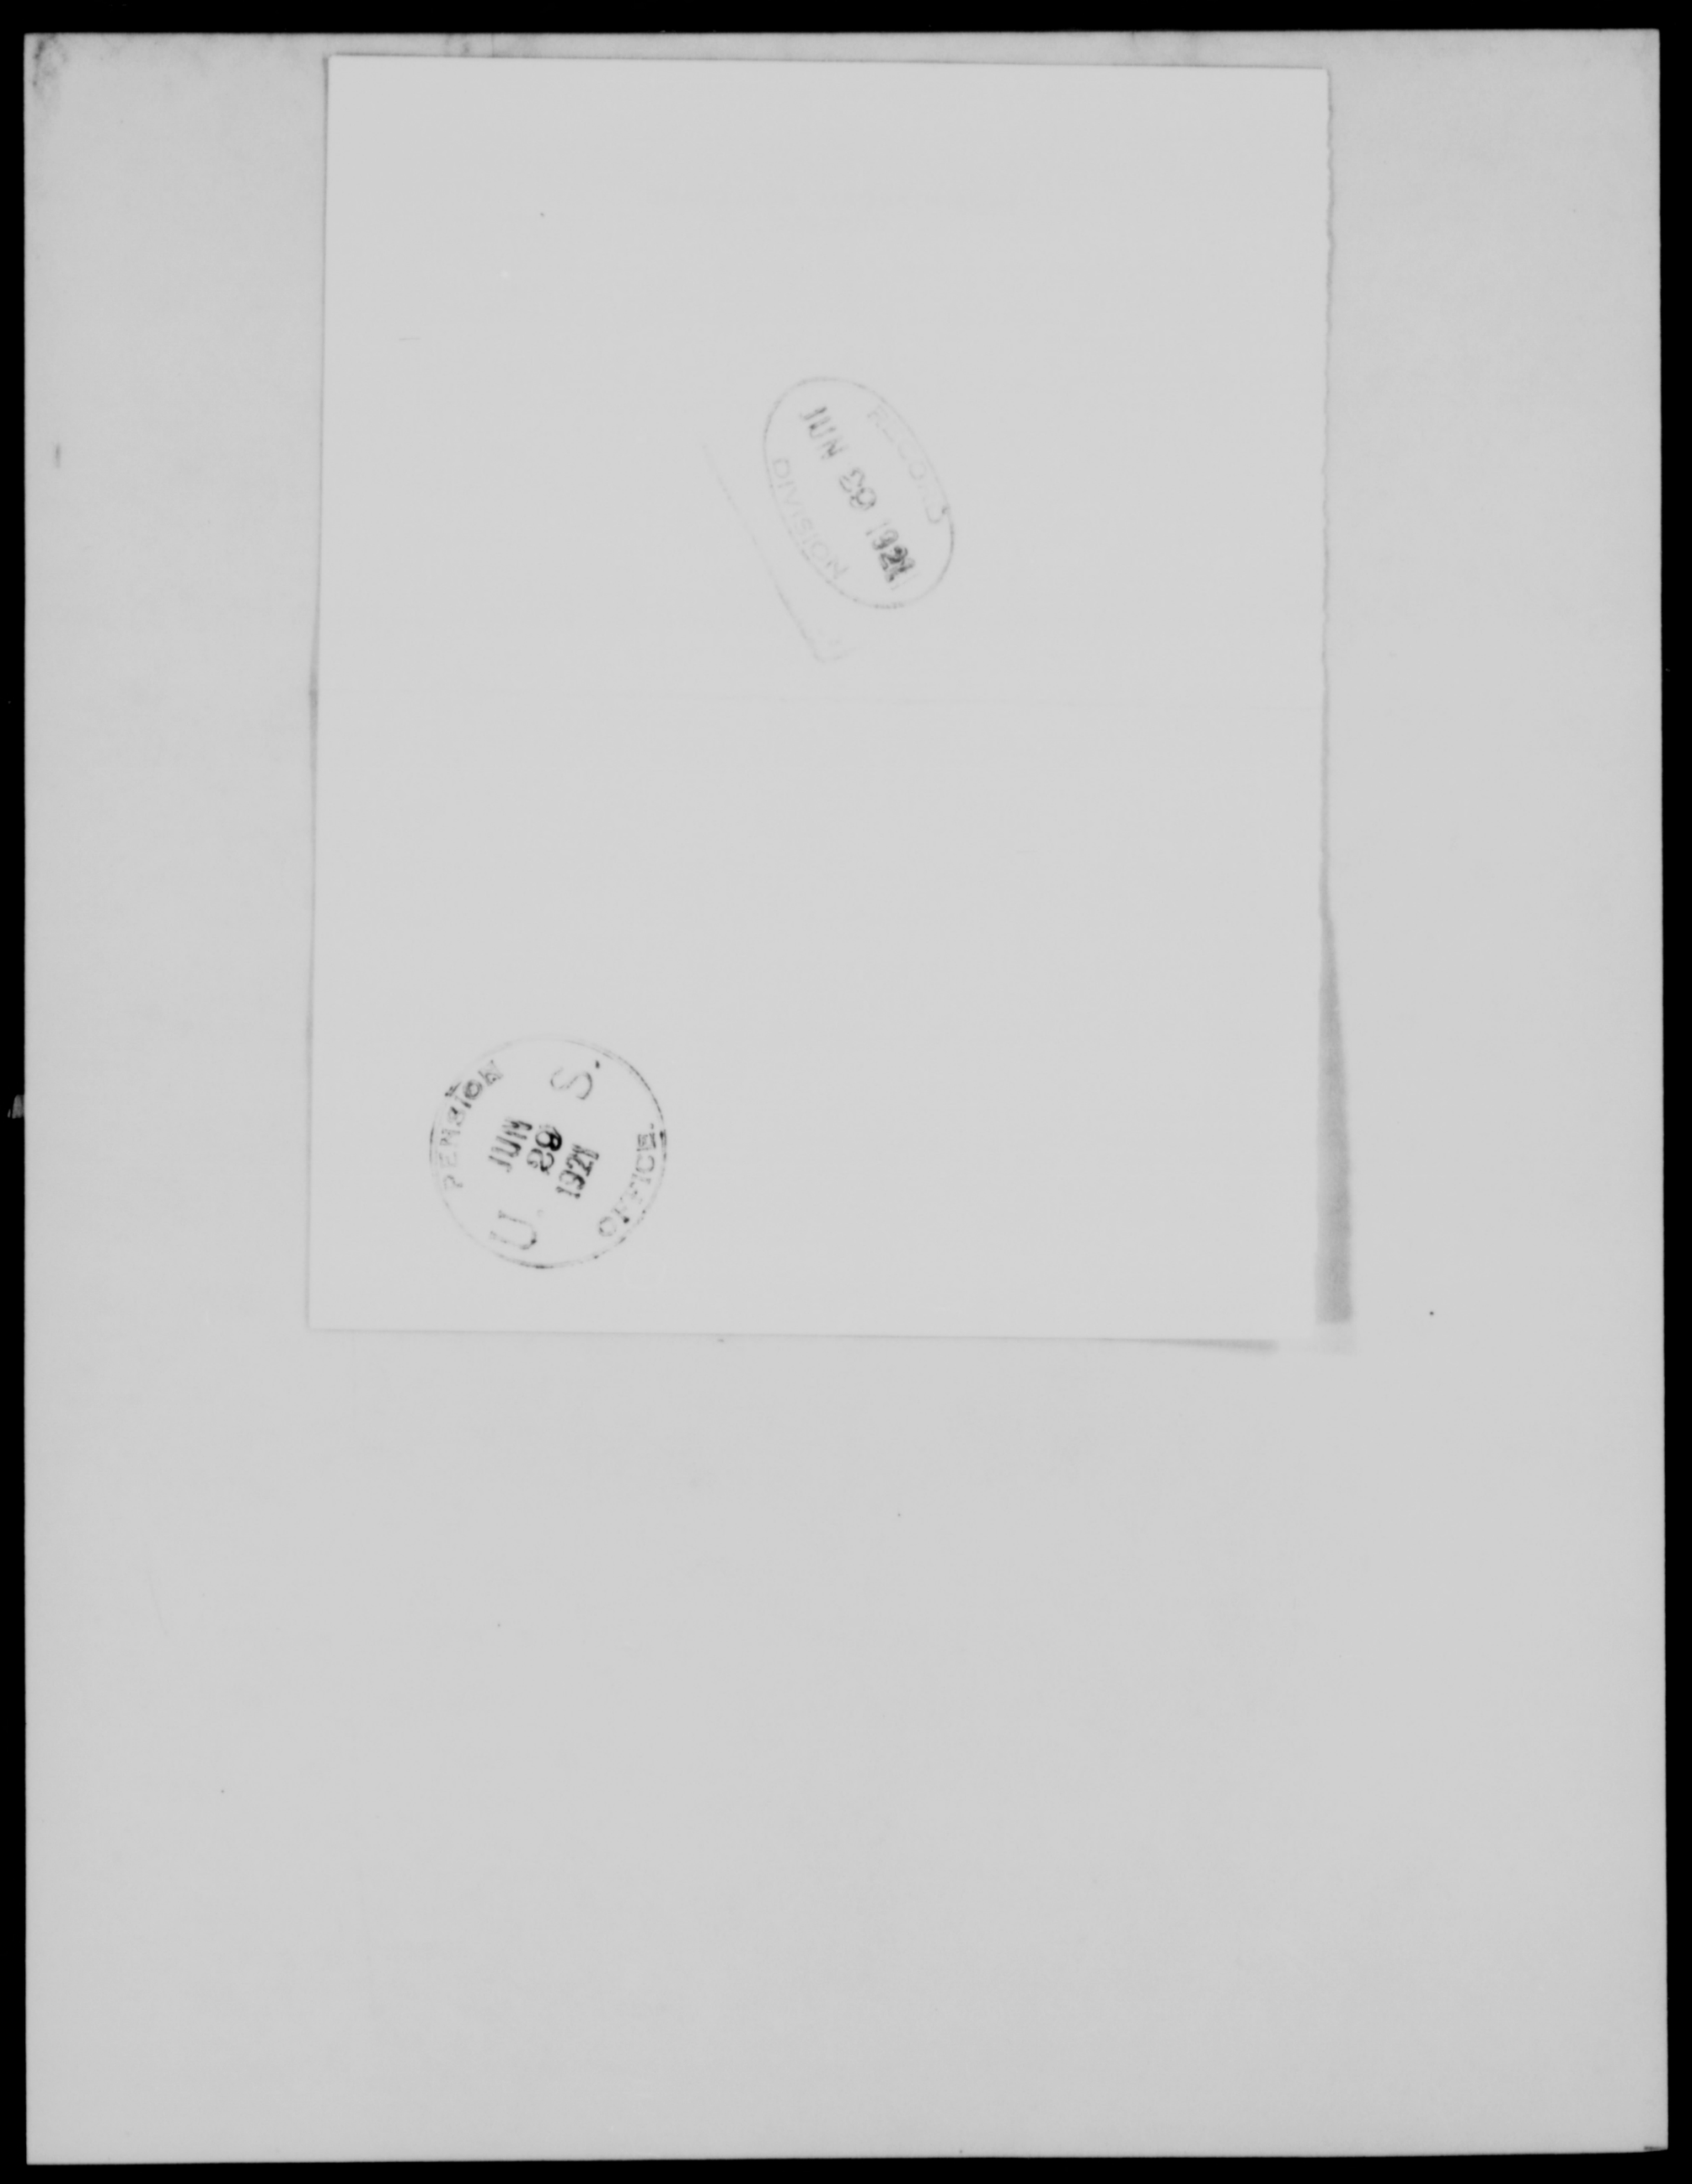[STAMP - in Circle]

RECORDS
JUN (illegible) 1921
DIVISION


[STAMP - in Circle]

PENSION
JUN
U.  29  S.
1921
OFFICE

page: 16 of 34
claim: survivor's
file: S. 41337, Jared Wilcox, Continental Mass.